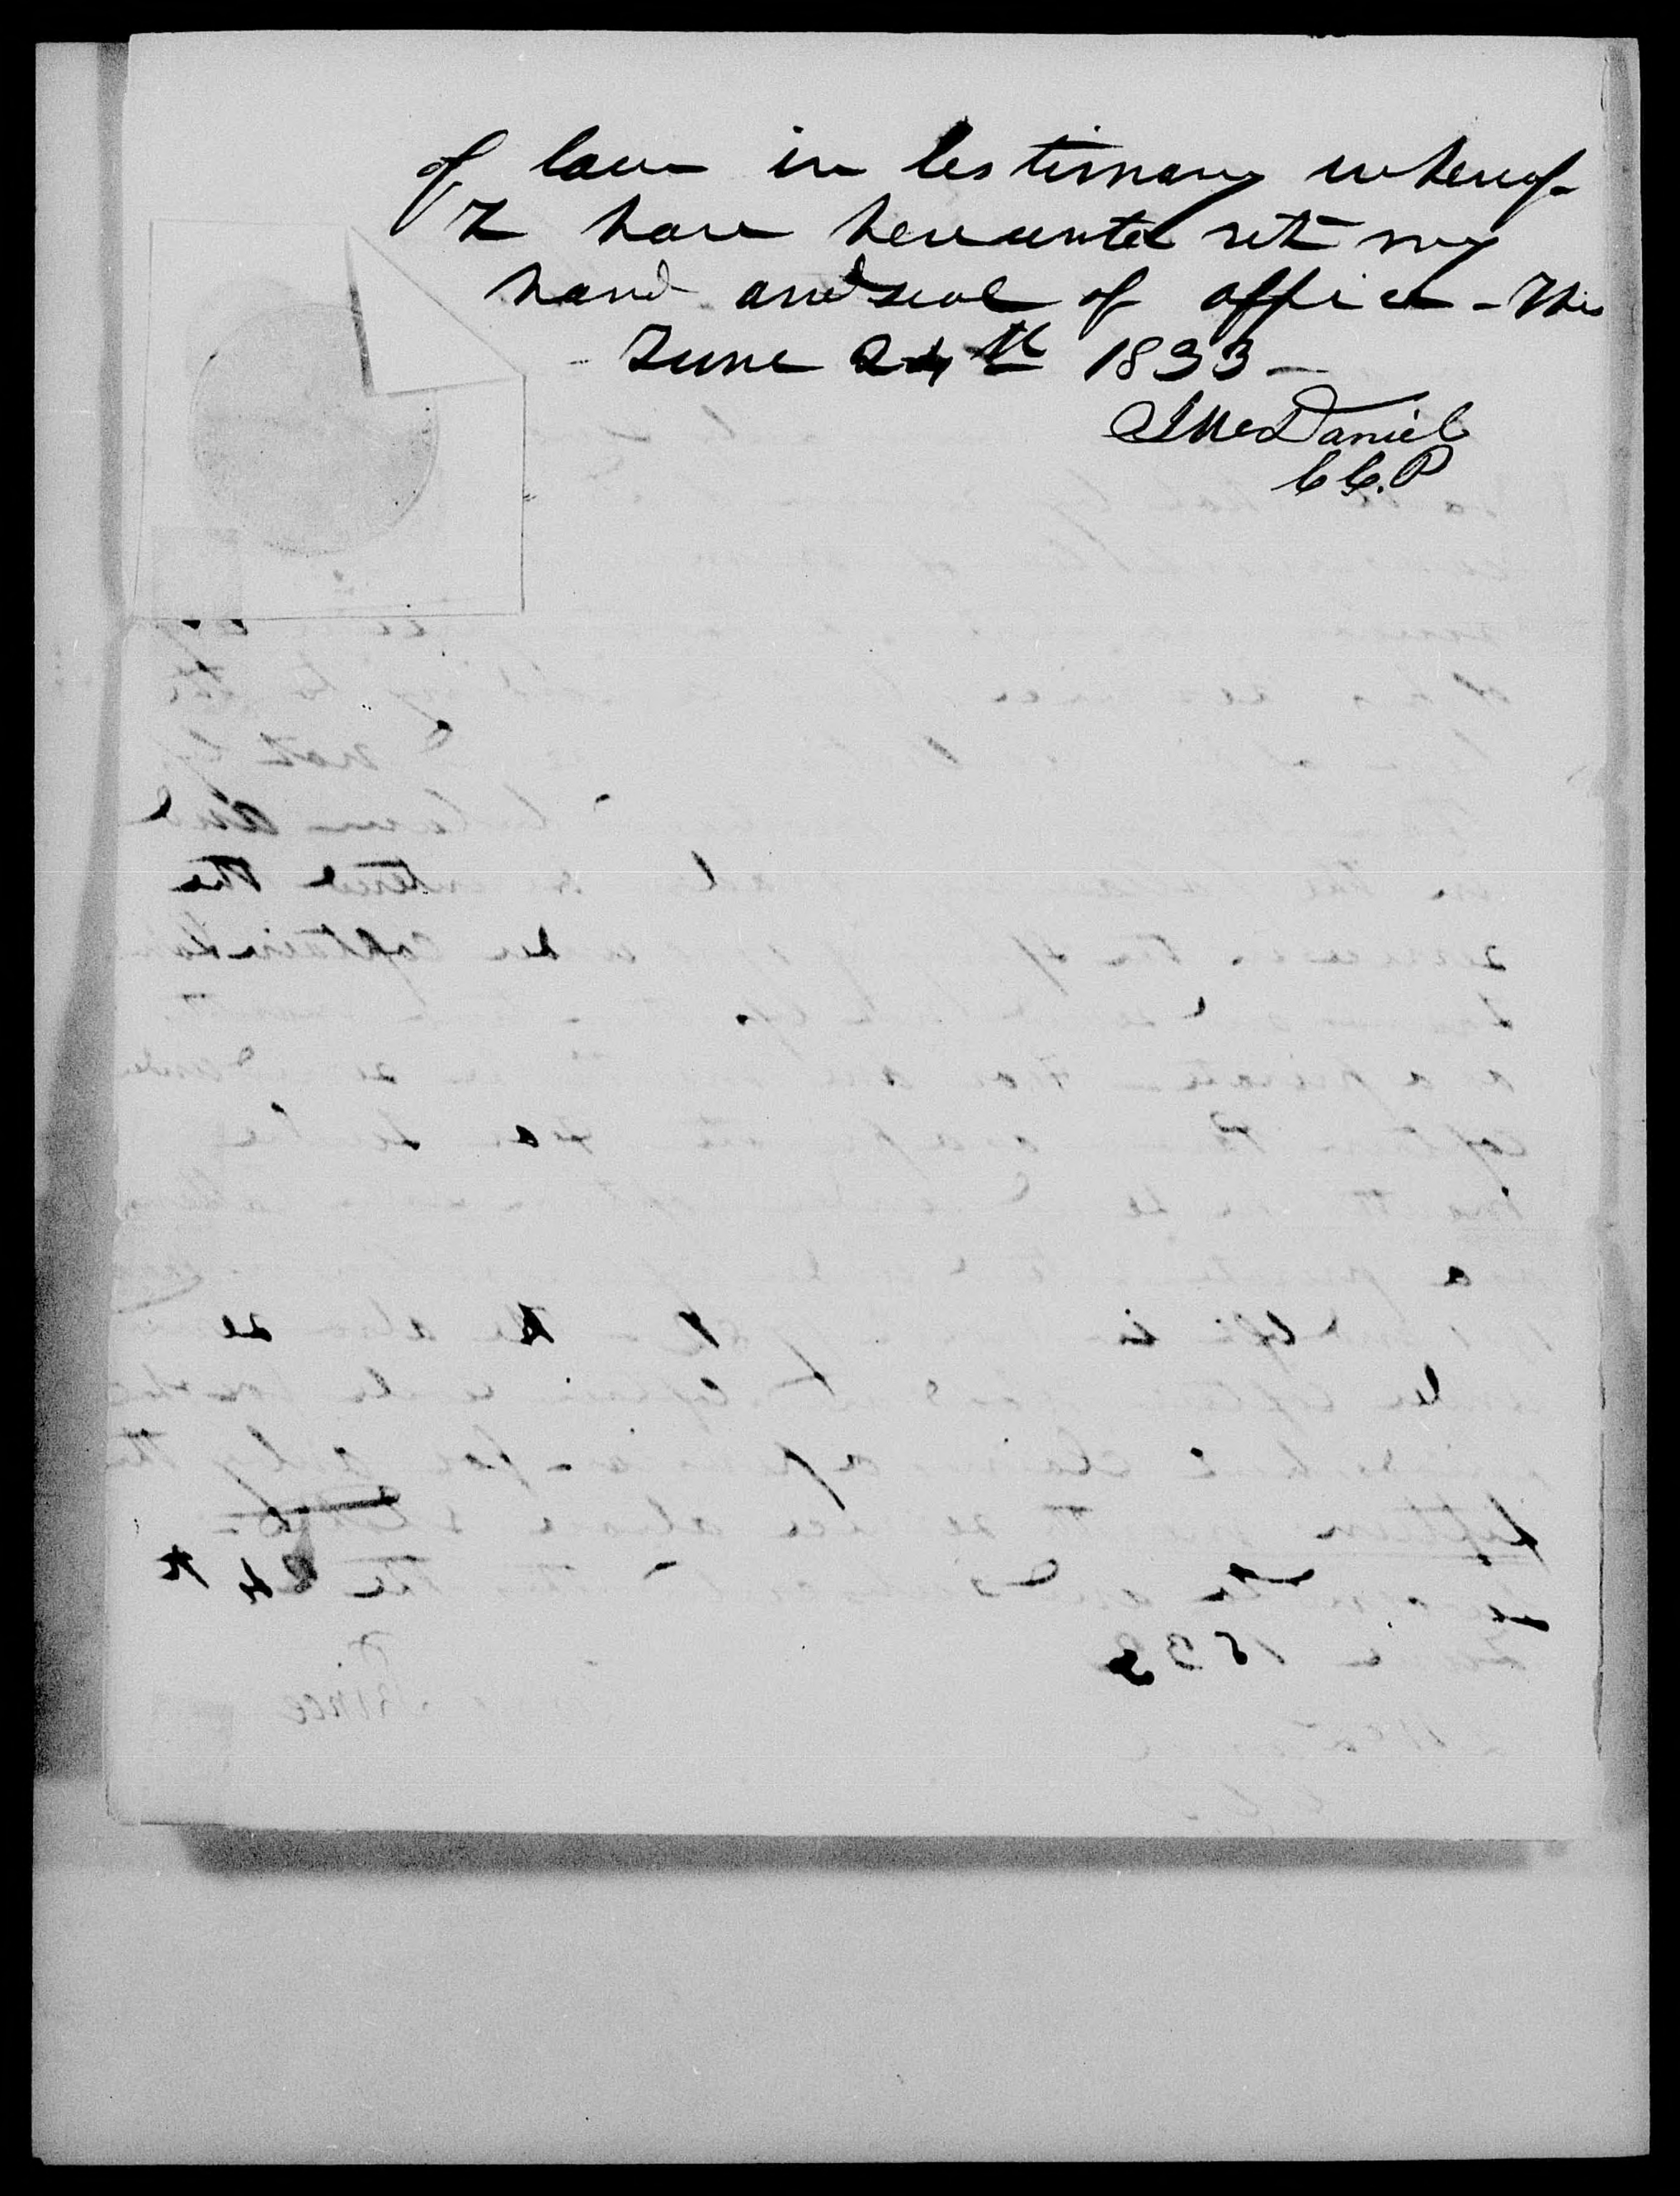of law in testimony whereof I have hereunto set my  hand and seal of office - this June 24th 1833 J McDaniel ( signed / sealed ) C.C.P.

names: J Mc Daniel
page: 23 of 23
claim: survivor's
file: S. 18,168, for Henry Prince, South Carolina